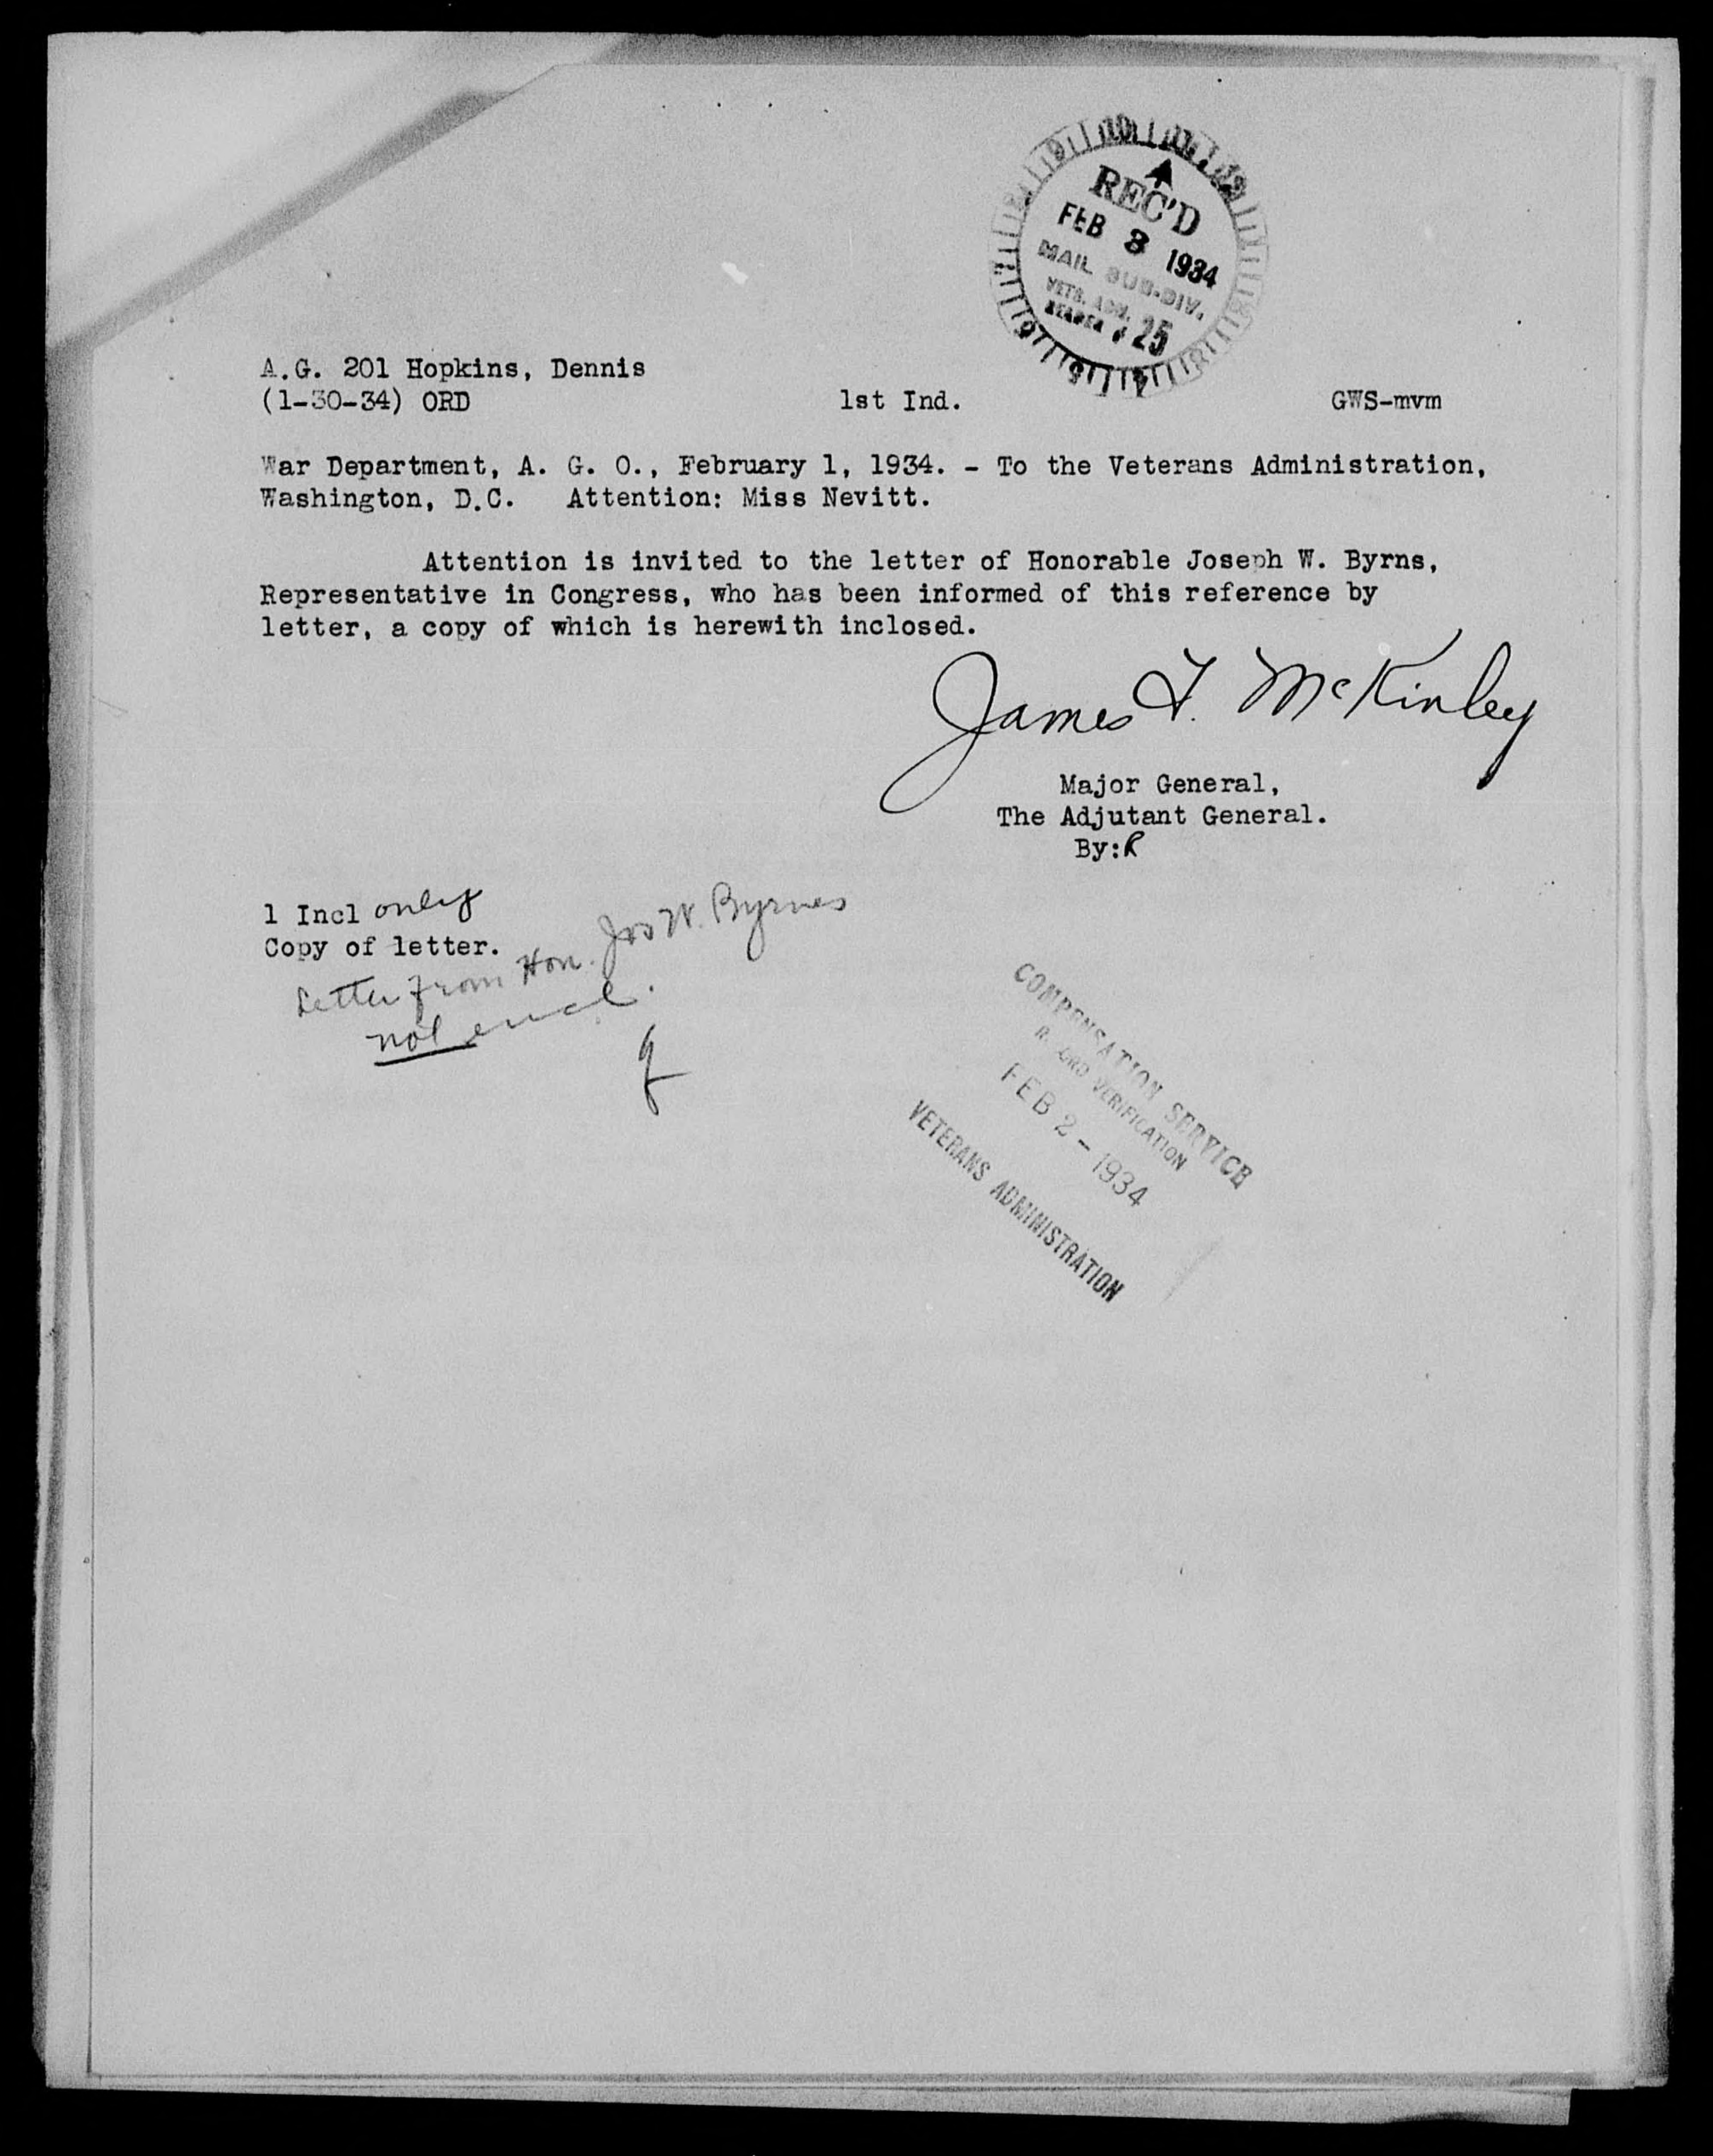[Stamp] REC'D FEB 3 1934 MAIL SUB-DIV

A.G. 201 Hopkins, Dennis
(1-30-34) ORD 1st Ind. GWS-mvm

War Department, A.G.O., February 1, 1934. To the Veterans Administration, Washington, D.C. Attention: Miss Nevitt.

Attention is invited to the letter of Honorable Joseph W. Byrns, Representative in Congress, who has been informed of this reference by letter, a copy of which is herewith inclosed.

James F Mc Kinley
Major General, The Adjutant General.
By: R

1 Incl only (Handwritten)
Copy of letter.
(Handwritten) Letter from Hon. Jos W Byrnes not incl
g

[Stamped] COMPENSATION SERVICE
RECORD VERIFICATION
FEB 2-1934
VETERANS ADMINISTRATION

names: Joseph W Byrns, James T Mc Kinley, Nevitt, Dennis Hopkins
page: 54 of 144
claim: rejected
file: R. 5208, Dennis Hopkins, N.C.